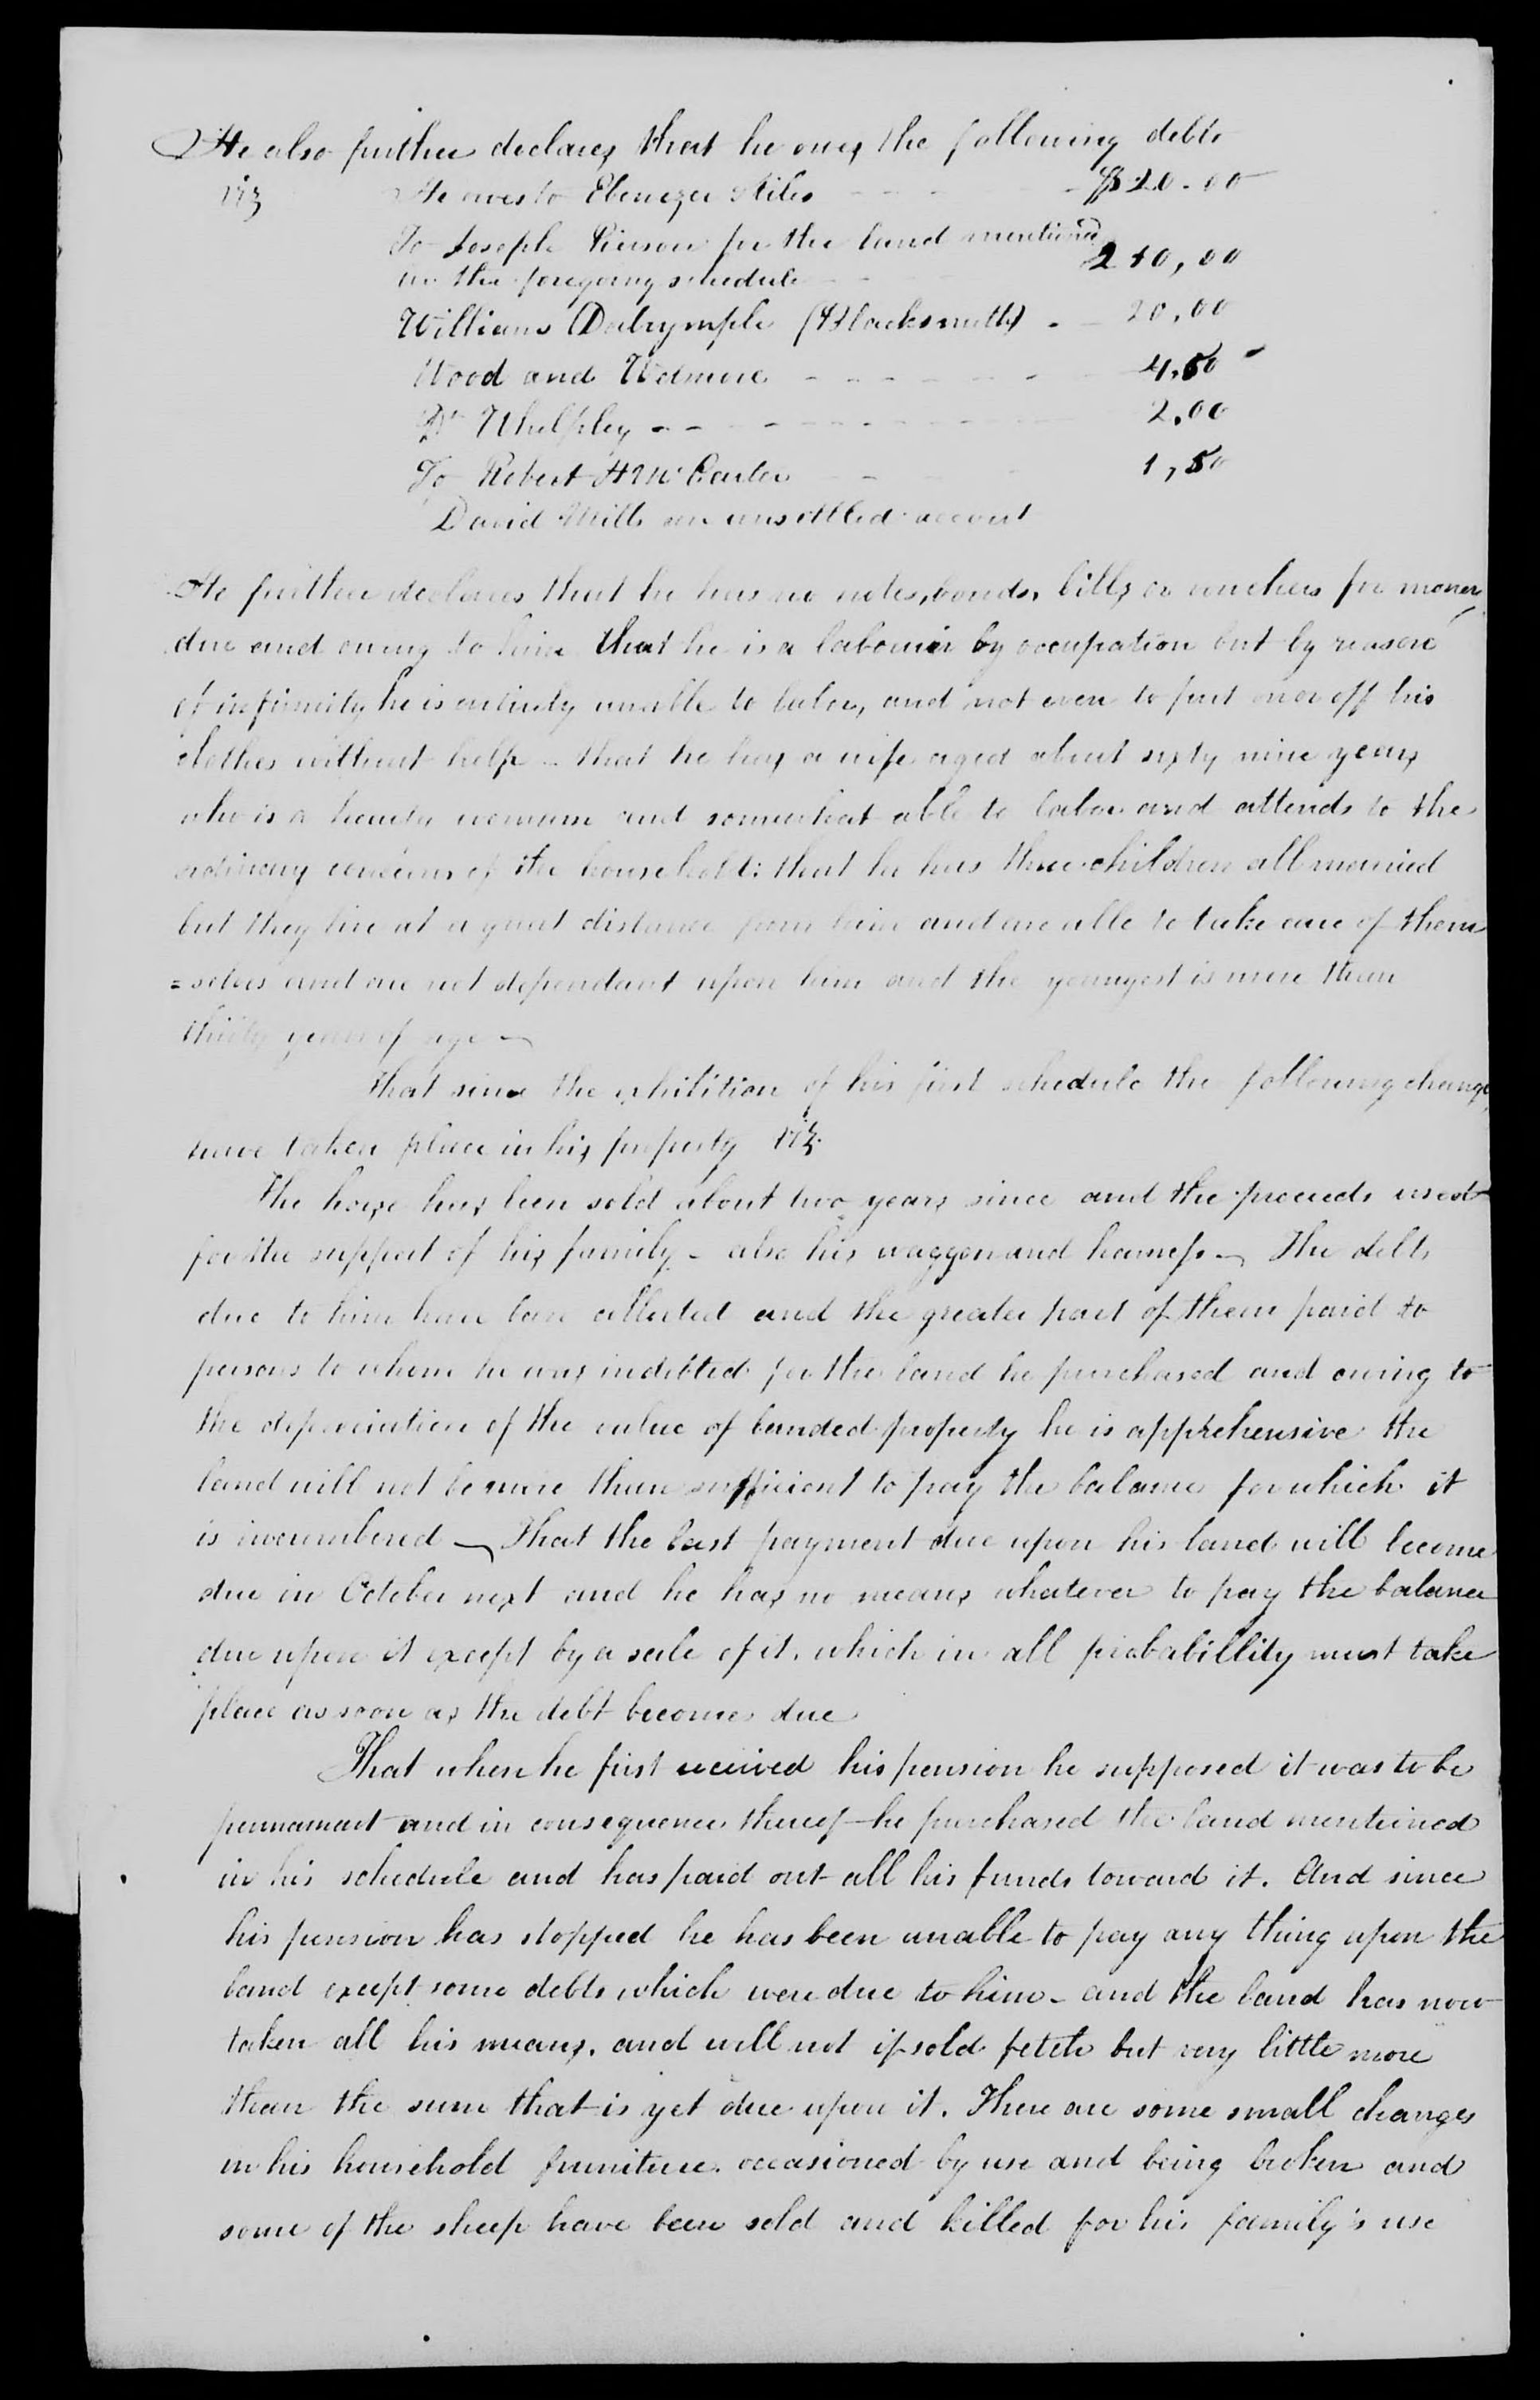He also further declares that he owes the following debts
viz
He owes to Ebenezer Stiles.............20.00
To Joseph Pierson for the land mentioned
in the foregoing schedule...............210.00
William Dalrymple (Blacksmith).......20.00
Wood and Wilmore.............................4.00
Dr. Whittley.........................................2.00
To Robert H McCarter.........................1.50
David Wills in unsettled account

He further declares that he has no notes, bonds, bills or vouchers for money due and owing to him that he is a laborer by occupation but by reason of infirmity he is entirely unable to labor, and not even to put on or off his clothes without help. that he has a wife aged about sixty nine years who is a hearty woman and somewhat able to labor and attends to the
ordinary concerns of the household; that he has there children all married but they live at a great distance from him and are able to take care of themselves and are not dependent upon him and the youngest is more than thirty years of age.

That since the exhibition of his first schedule the following changes have taken place in his property viz.

The horse has been sold about two years since and the proceeds used for the support of his family - also his waggon and harness The debts
due to him have been collected and the greater part of them paid to persons to whom he was indebted for the land he purchased and owing to the depreciation of the value of landed property he is apprehensive the land will not be more than sufficient to pay the balance for which it is incumbered - That the last payment due upon his land will become due in October next and he has no means whatever to pay the balance due upon it except by a sale of it, which in all probability must take place as soon as the debt becomes due

That when he first received his pension he supposed it was to be permanent and in consequence thereof he purchased the land mentioned in his schedule and has paid out all his funds toward it. And since his pension has stopped he has been unable to pay any thing upon the land except some debts which were due to him, and the land has now taken all his means, and will not if sold fetch but very little more than the sum that is yet due upon it. There are some small changes in his household furniture occasioned by use and being broken and some of the sheep have been sold and killed for his family's use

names: Joseph Pierson, Wilmore, David Mills, Ebenzer Stiles, Robert H Mc Carter, Wood, William Dalrymple, Whittley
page: 21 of 27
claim: survivor's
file: S. 34,094, Ezra Brown, New Jersey